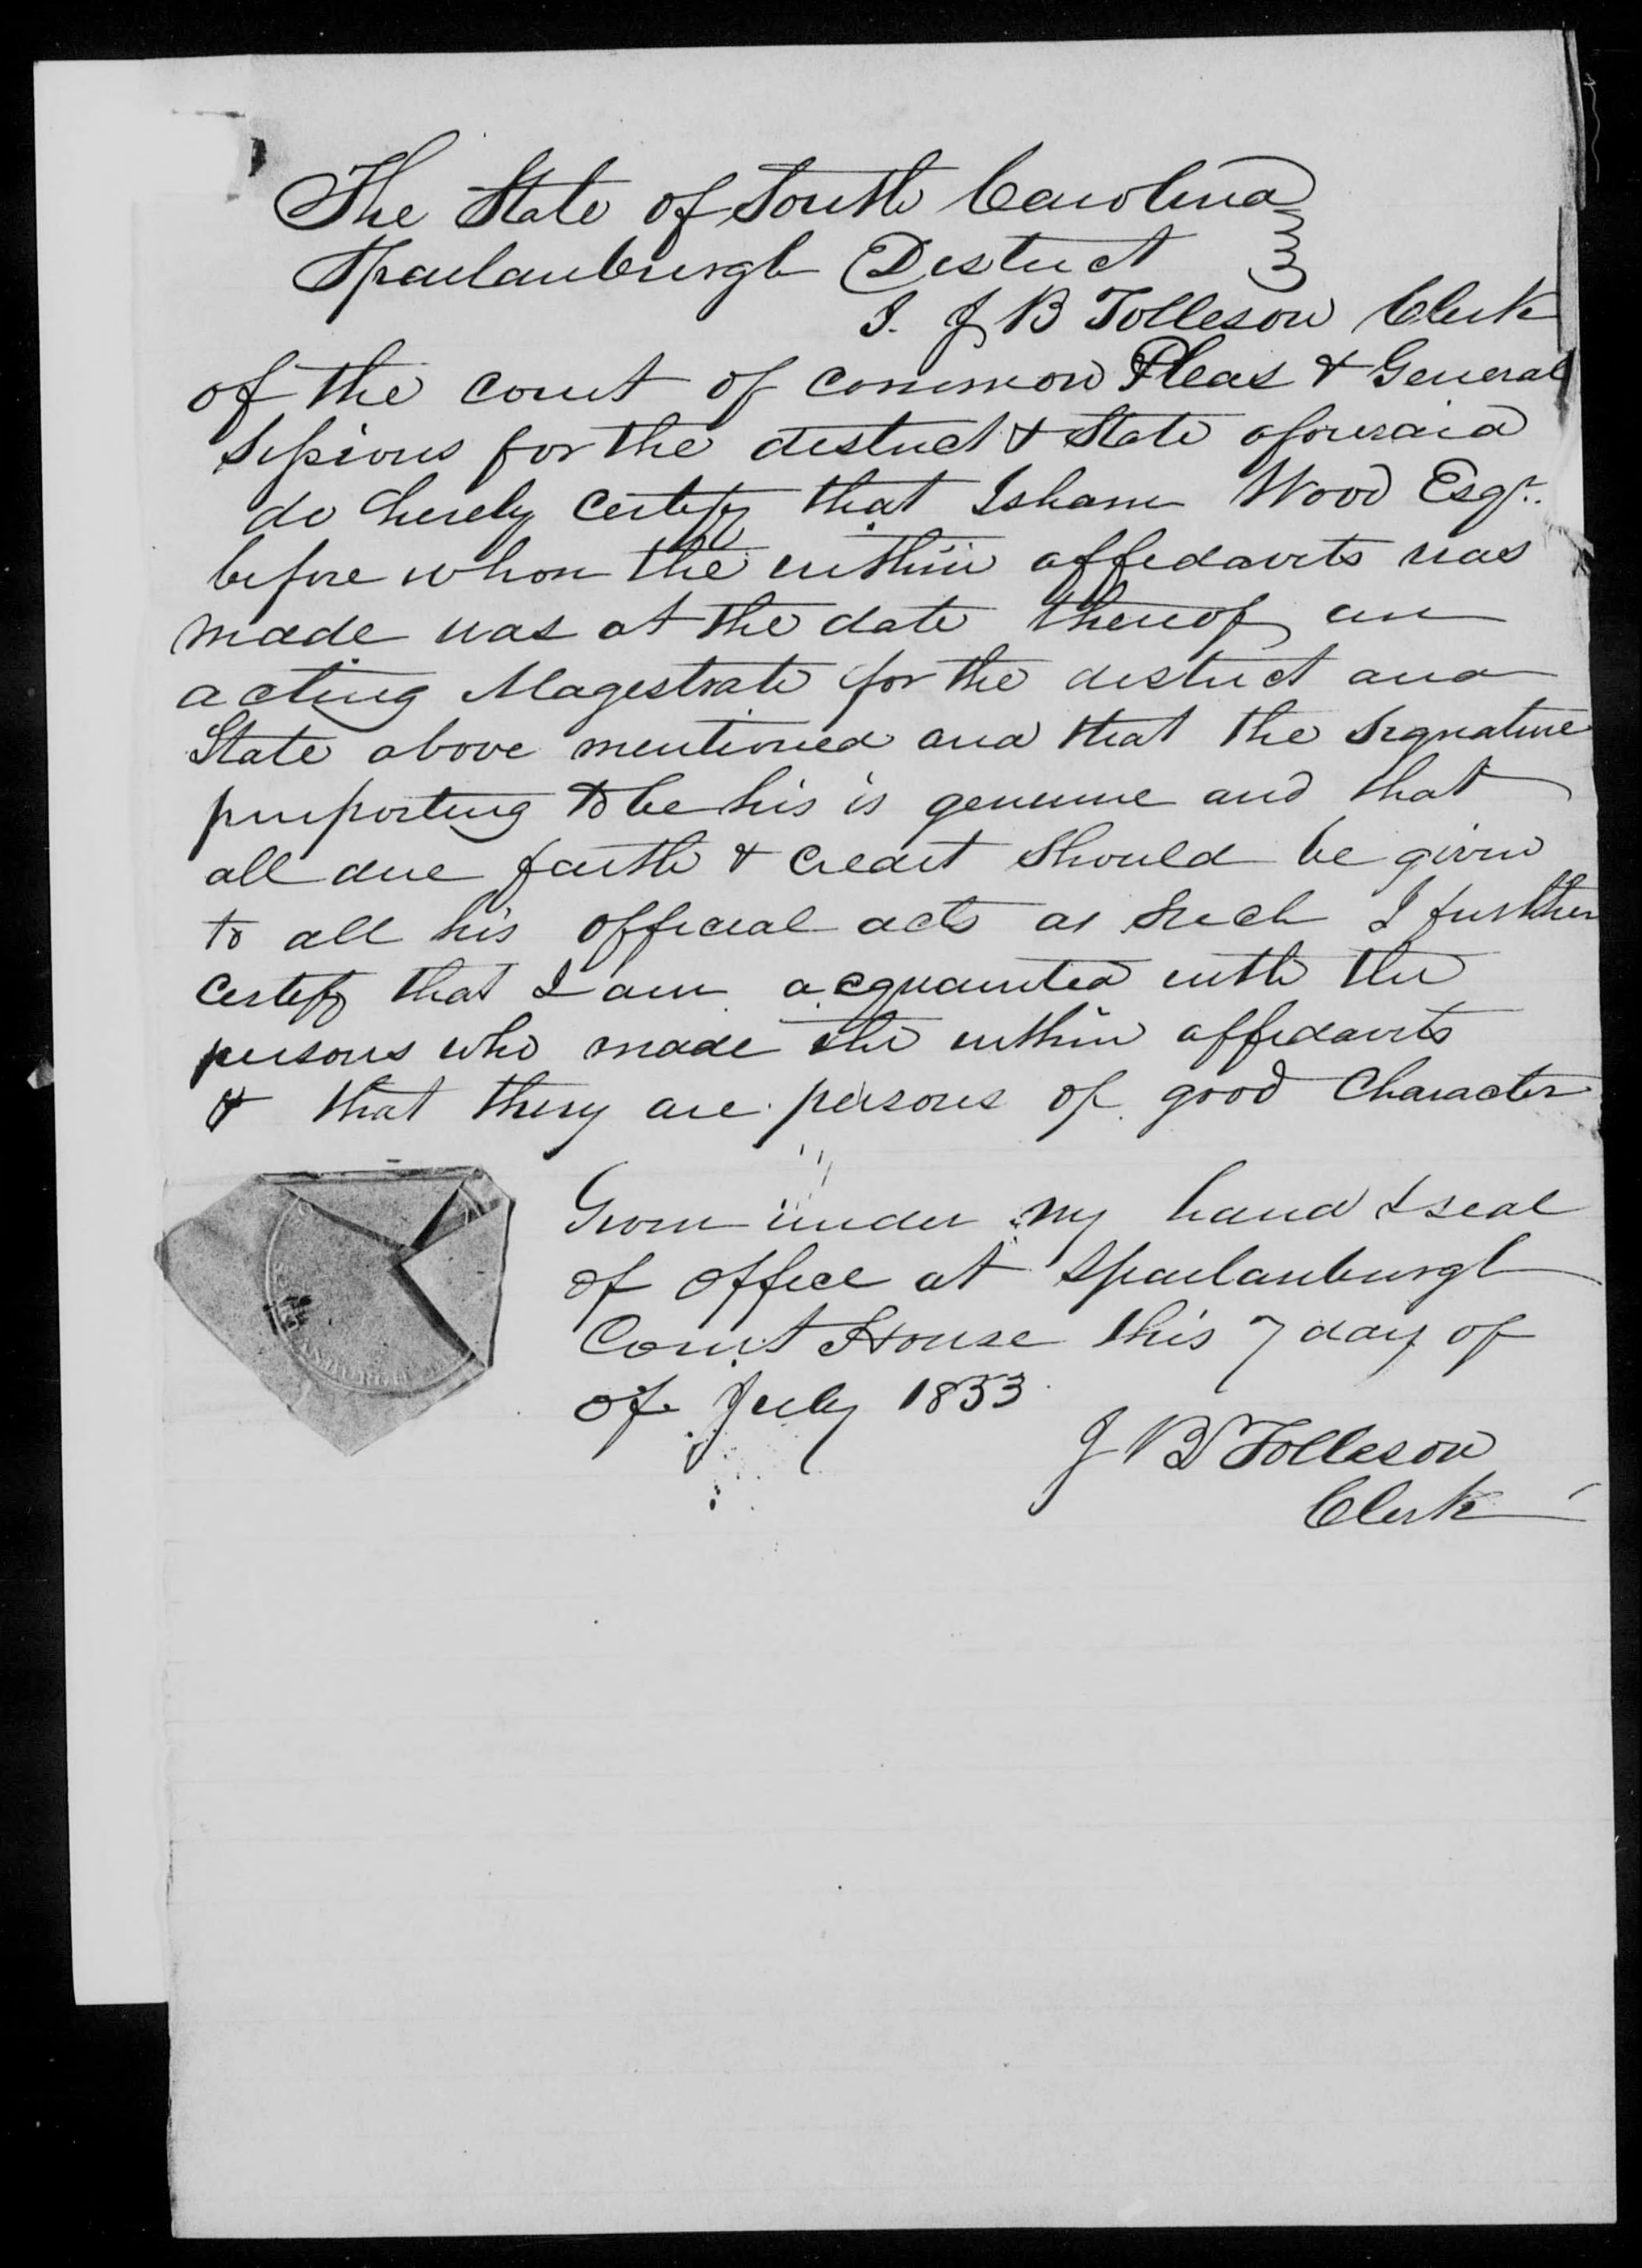The State of South Carolina
Spartanburgh District
I, J B Tolleson Clerk of the Court of Common Pleas & General Sessions for the district & State aforesaid do hereby certify that Isham Wood Esqr. before whom the within affidavits was made was at the date thereof an acting Magistrate for the district and State above mentioned and that the signature purporting to be his is genuine and that all due faith & credit should be given to all his official acts as such I further certify that I am acquainted with the persons who made the within affidavits & that they are persons of good character.
Given under my hand & seal of office at Spartanburgh Court House this 7 day of of July 1853.
J B Tolleson
Clerk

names: J B Tolleson, Isham Wood, J B Tolleson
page: 42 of 51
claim: widow's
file: W. 9700, Denney Anderson, S.C.